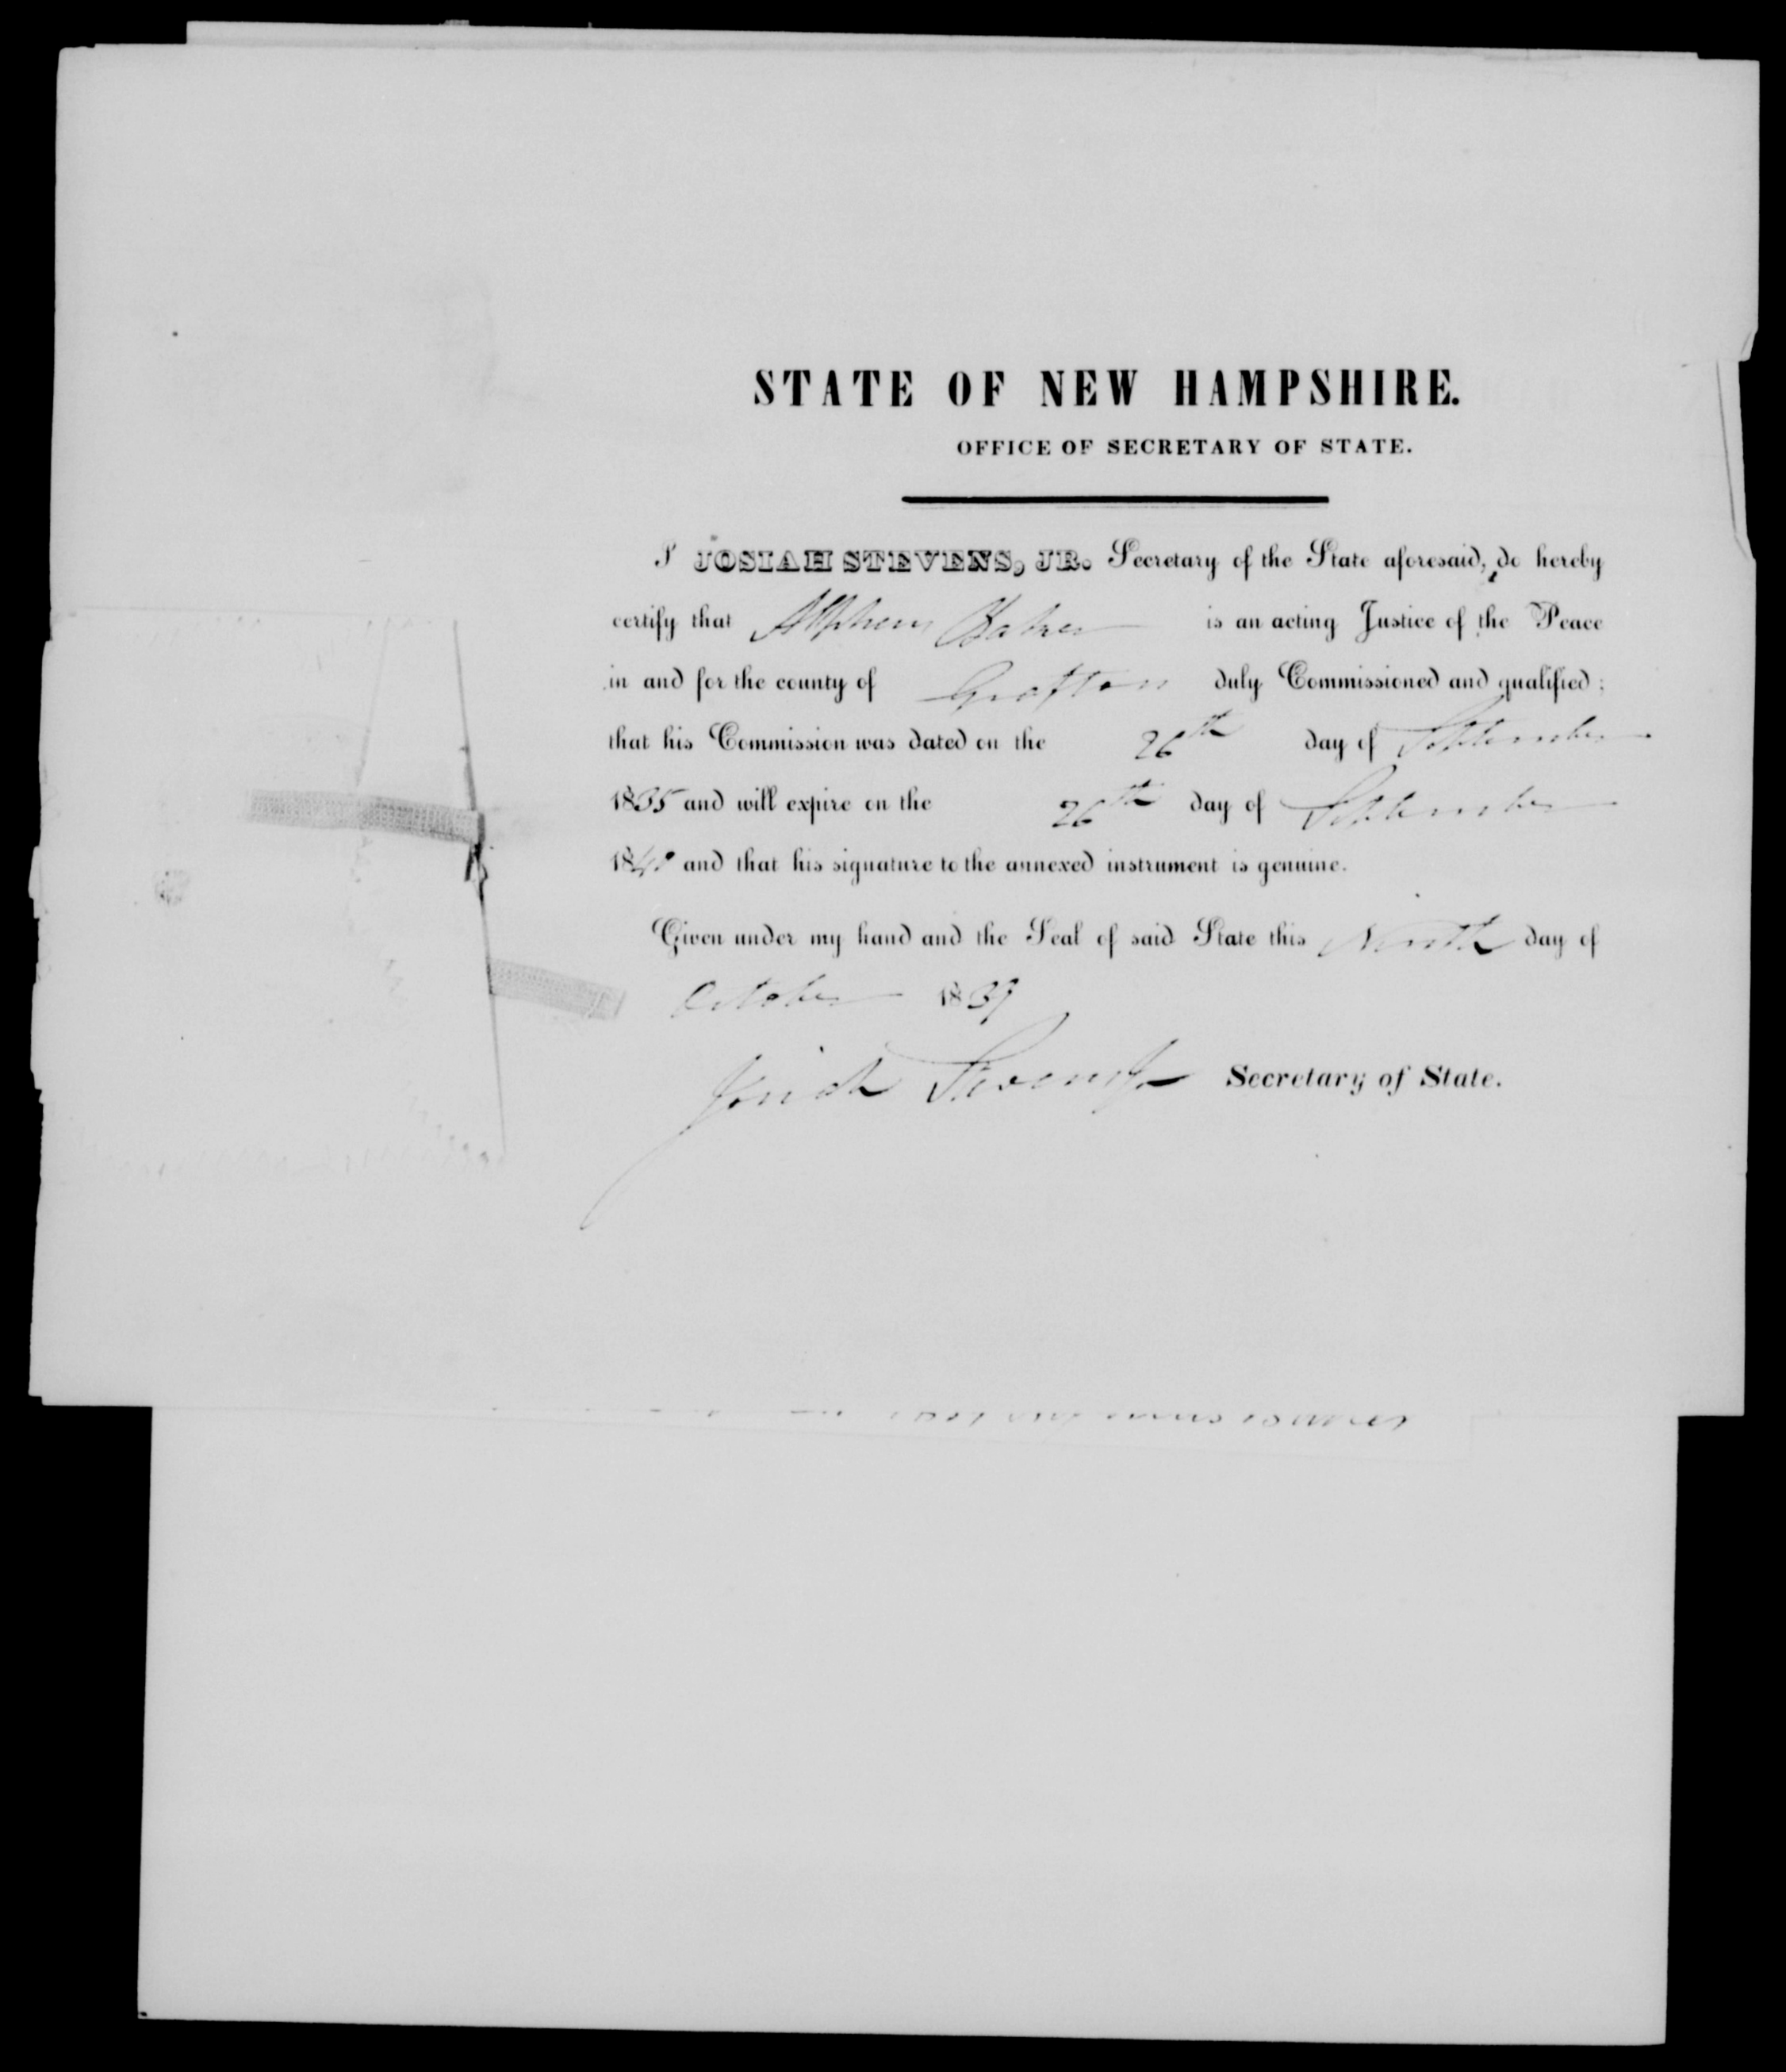STATE OF NEW HAMPSHIRE.
OFFICE OF SECRETARY OF STATE.
I JOSIAH STEVENS, JR. Secretary of the State aforesaid, do hereby
certify that Alpheus Baker is an acting Justice of the Peace
in and for the County of Grafton duly Commissioned and qualified.
that his Commission was dated on the 26th day of September
1835 and will expire on the 26th day of September
1840 and that his signature to the annexed instrument is genuine.
Given under my hand and the Seal of said State this Ninth day of
October 1837
Josiah Stevens,  Secretary of State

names: Alpheus Baker; Josiah Stevens; Josiah Stevens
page: 40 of 46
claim: widow's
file: W. 24976, for Daniel Skinner, New Hampshire